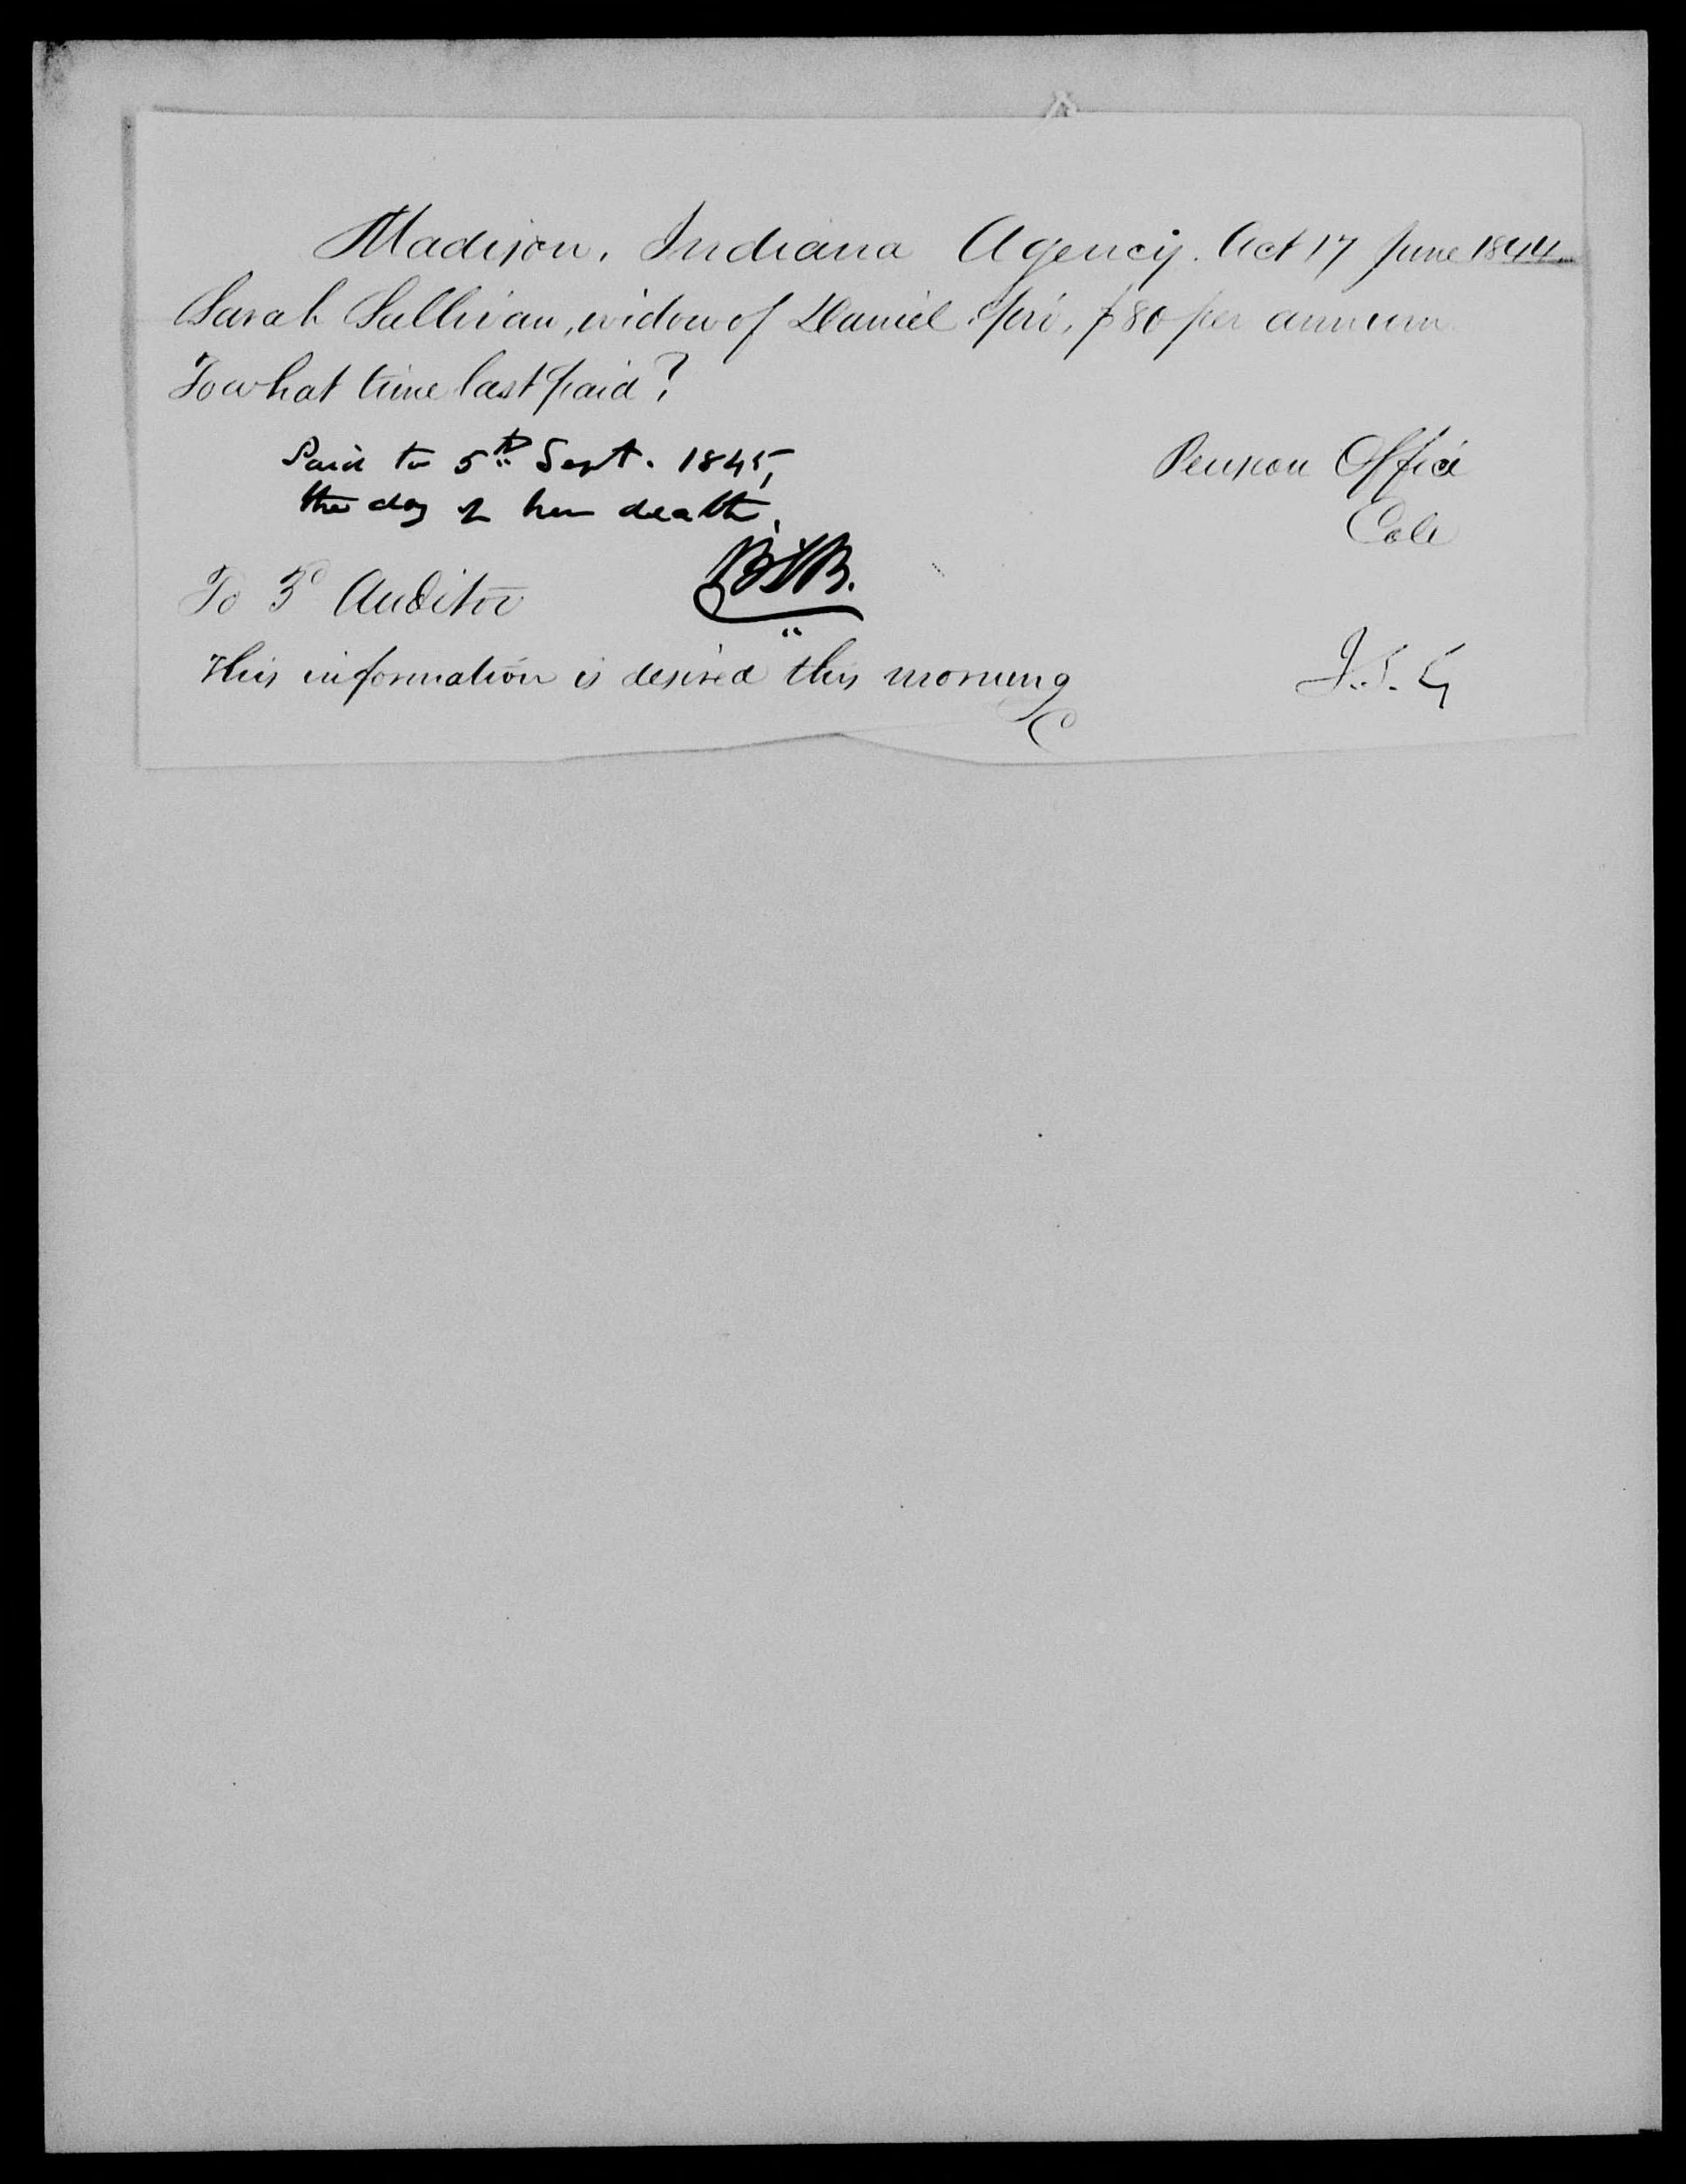Madison, Indiana Agency Act 7 June 1844 
Sarah Sullivan, widow of Daniel pri. [private] $80 per annum
To what time last paid? 
Paid to 5th Sept 1845, the day of her death. 
BSB

Pension Office 
Cole

To 3rd Auditor
This information is desired this morning JSG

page: 75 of 78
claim: widow's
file: W. 25,169, for Daniel Sullivan, Maryland